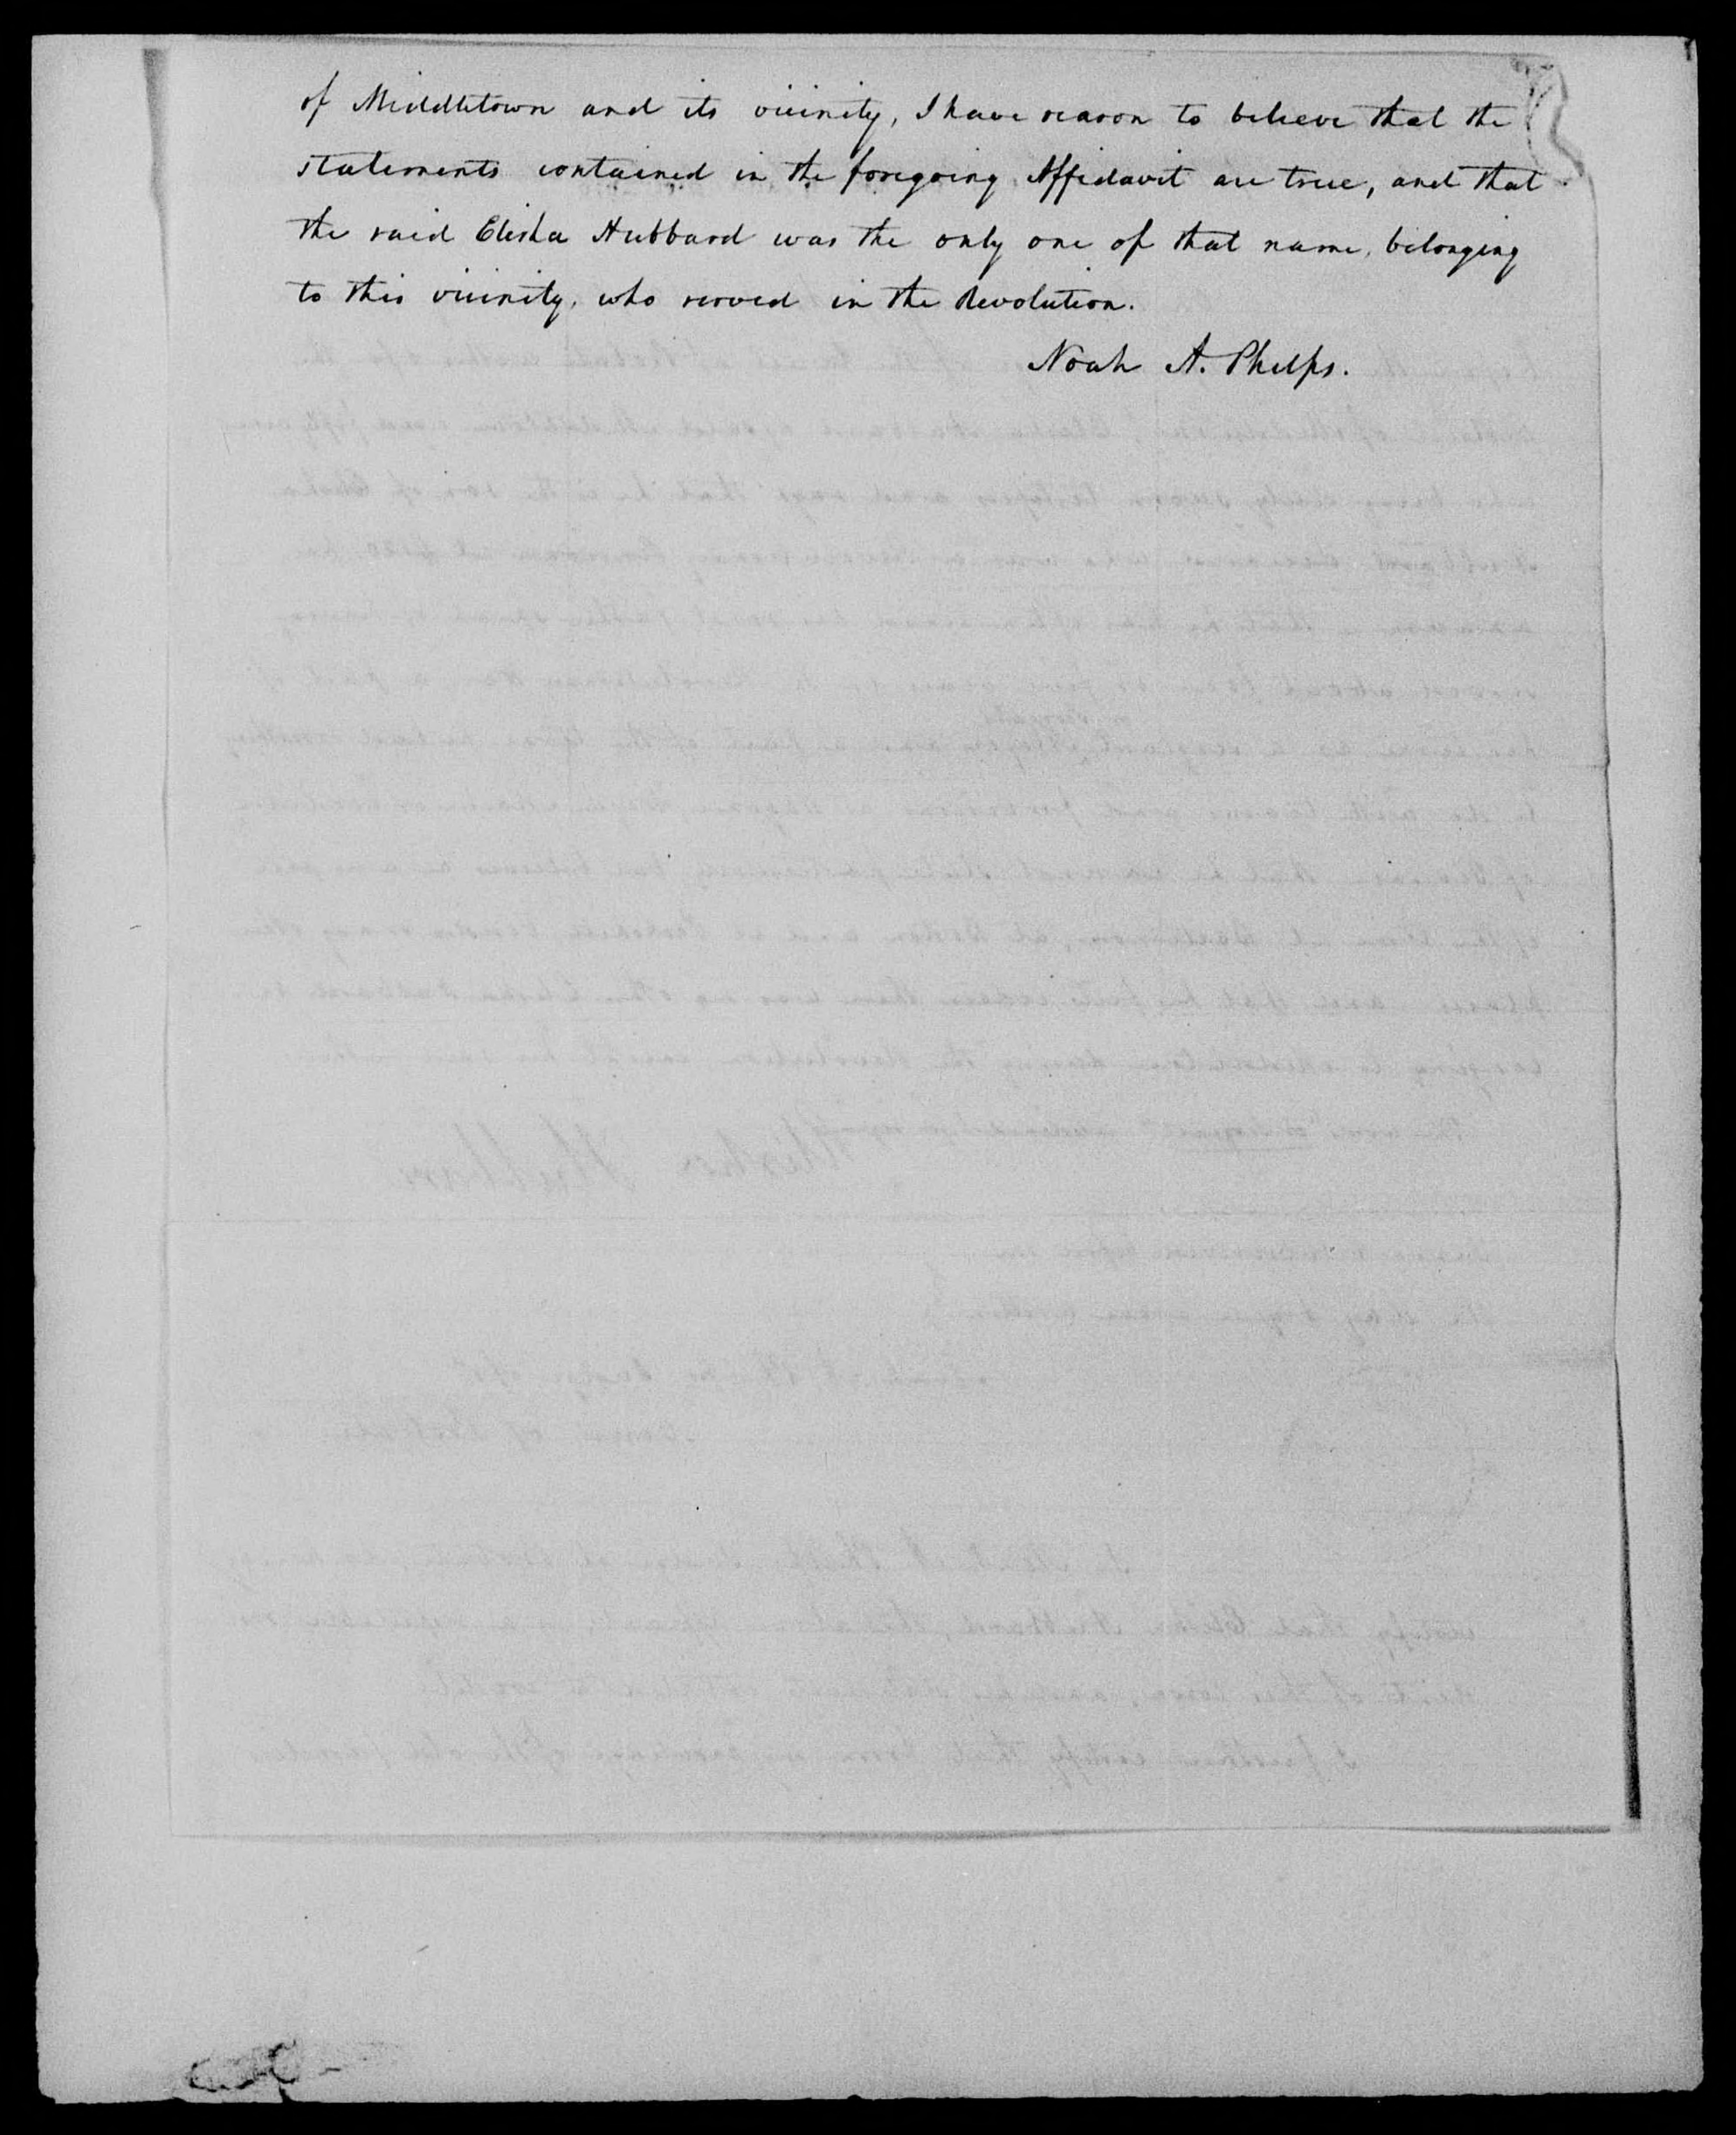of Middletown and its vicinity, I have reason to believe that the statements contained in the foregoing affidavit are true, and that the said Elisha Hubbard was the only one of that name belonging to this vicinity who served in the Revolution.

Noah A. Phelps.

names: Noah A Phelps, Elisha Hubbard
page: 62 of 63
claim: survivor's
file: S. 18457, Elisha Hubbard, Conn. Continental